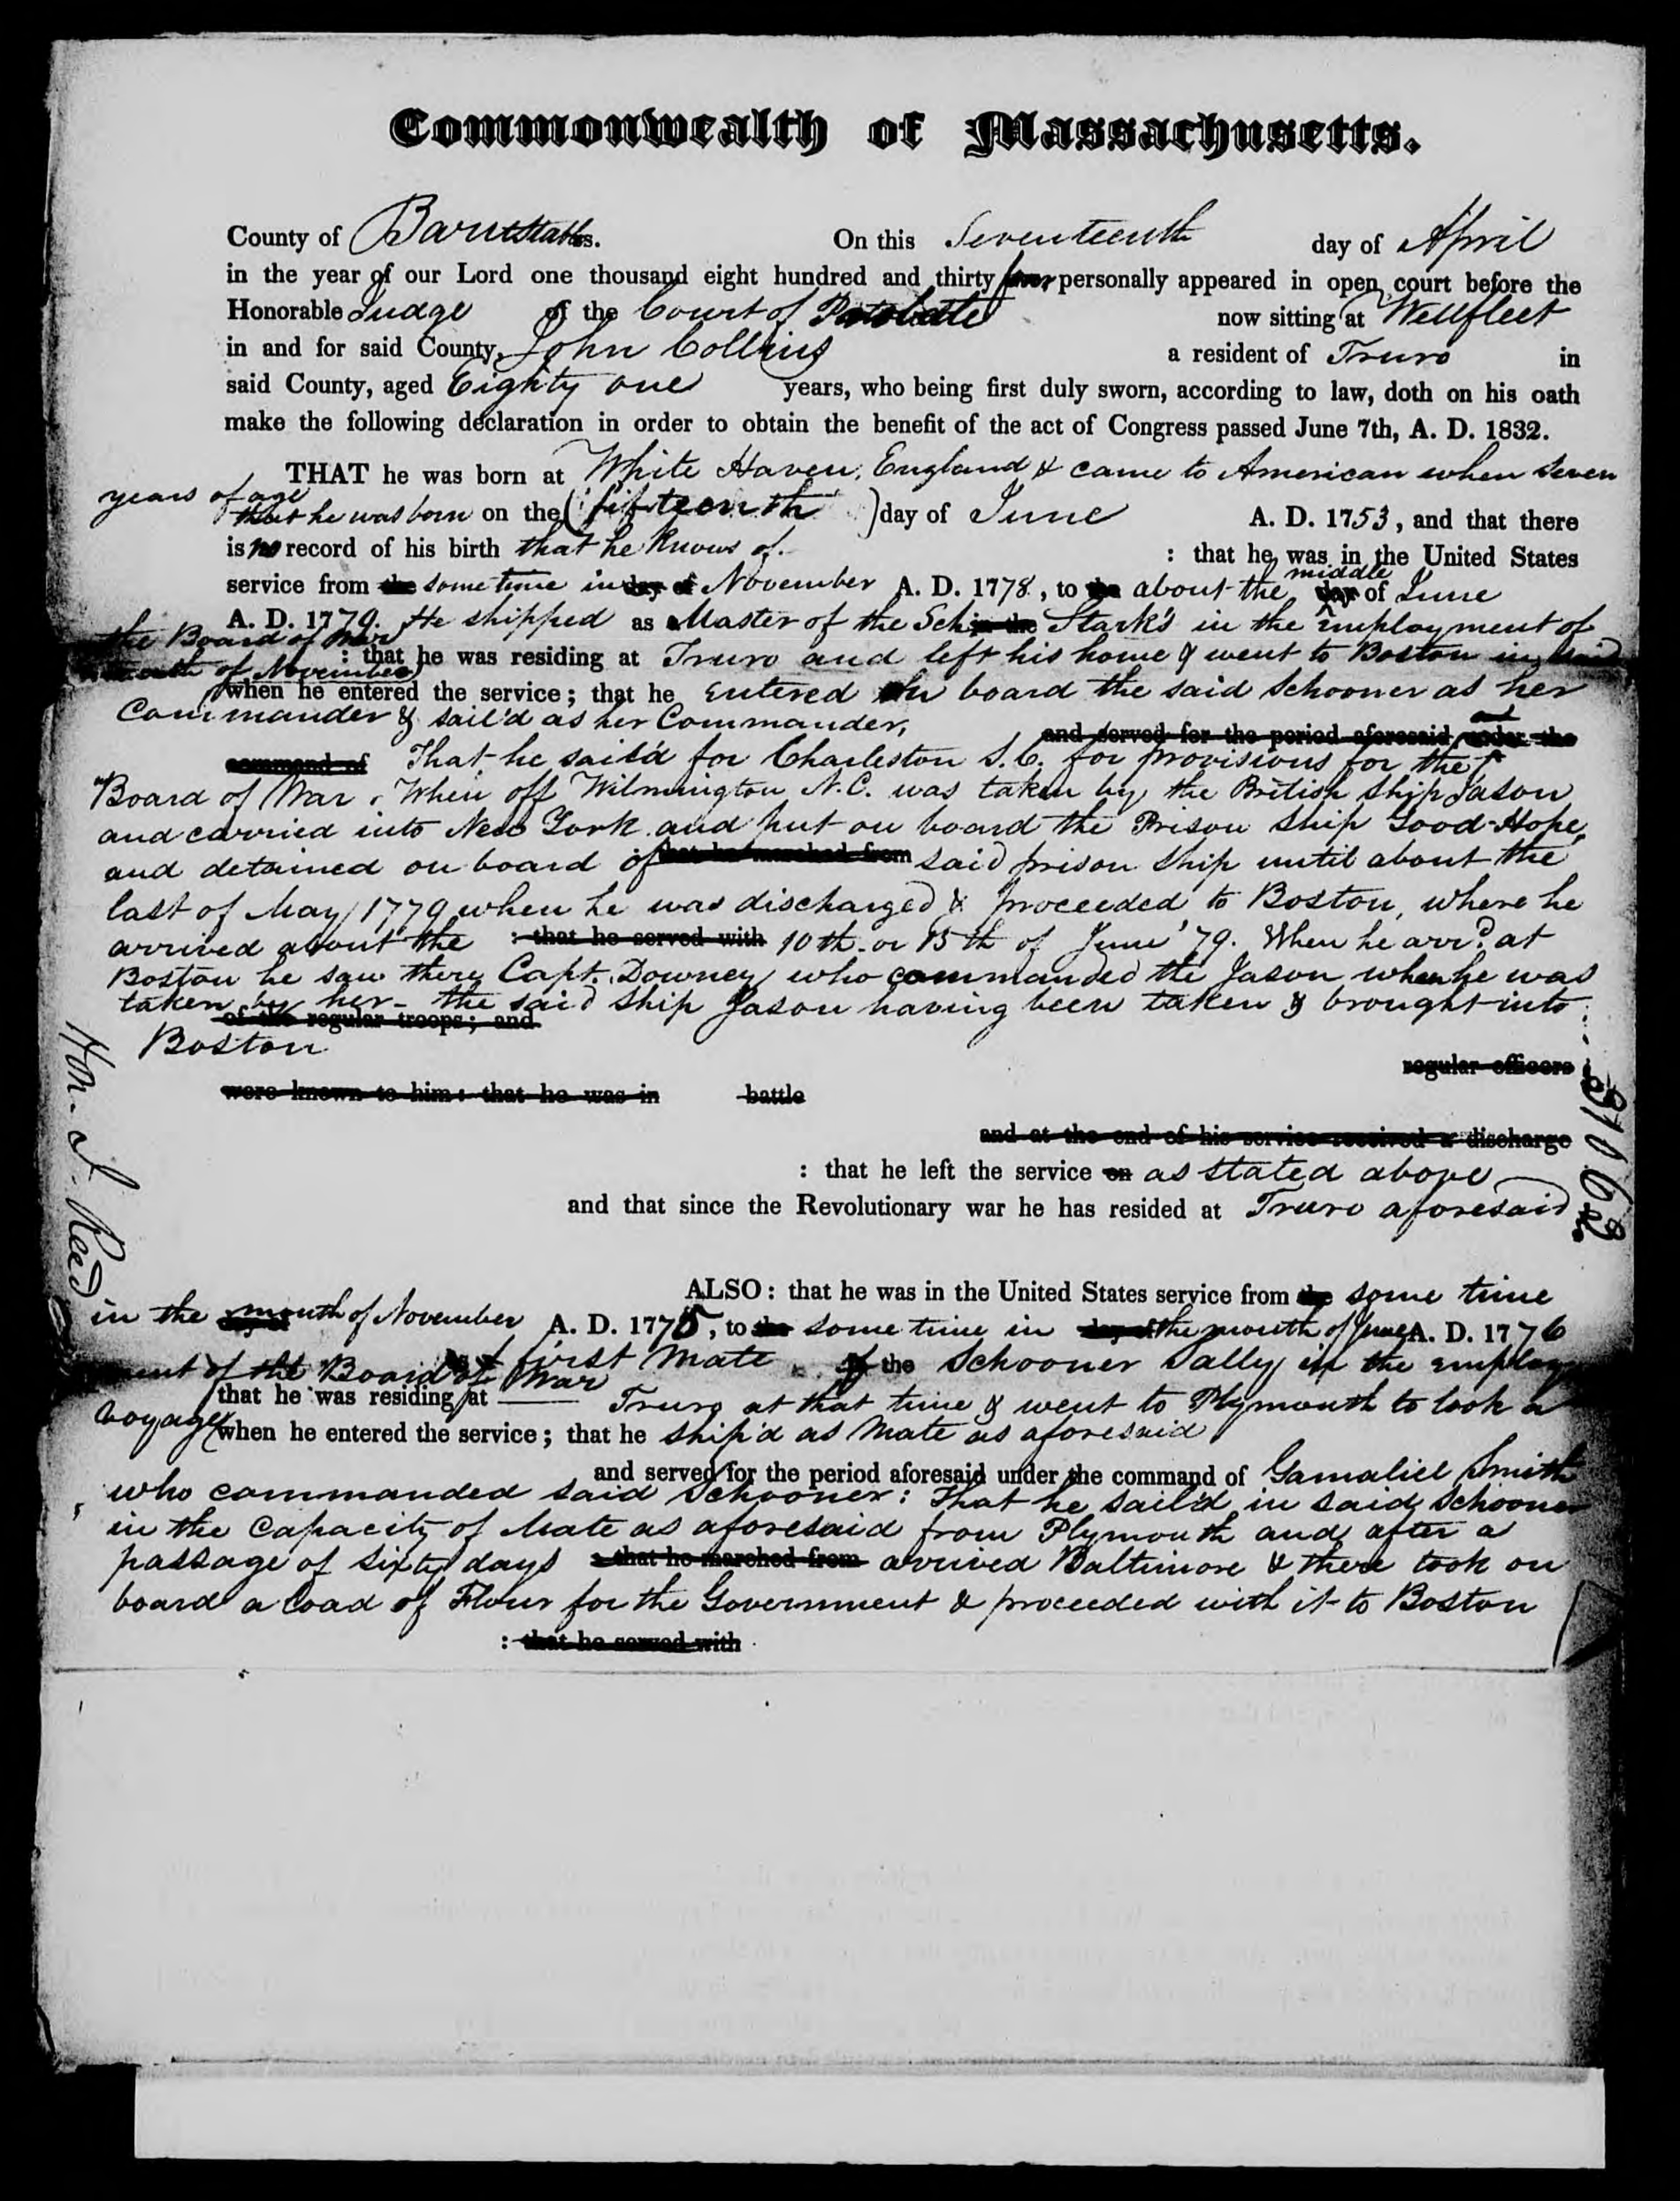Commonwealth of Massachusetts
County of Barnstable. On this Seventeenth day of April in the year of our Lord one thousand eight hundred and thirty four personally appeared in open court before the
Honorable Judge of the Court of Probate
now sitting at Wellfleet in the said County, in and for said County, John Collins a resident of Truro in said County, aged Eighty one years, who being first duly sworn, according to law, doth on his oath make the following declaration in order to obtain the benefit of the act of Congress passed June 7th, A.D. 1832.
THAT he was born at White Haven, England & came to American when seven years of age that he was born on the fifteenth day of June
A. D. 1753, and that there is no record of his birth that he knows of: that he was in the United States service from [crossed out- the] sometime [crossed out- day of] in November A.D. 1778, to [crossed out - the] about the ^middle crossed out - day] of June A.D. 1779. He shipped as Master of the Sch [cross out - in the] Stark's in the employment of the Board of War: that he was residing at Truro and left his home of went to Boston [illegible] when he entered the service; that he entered on board the said Schooner as her Commander of sail'd [sailed] as her Commander, [crossed out - and served for the period aforesaid under the command of] That he sail'd [sailed] for Charleston S.C. for provisions for the Board
of War. When off Wilmington N.C. was taken by the British Ship Jason carried into New York and put on board the Prison ship Good Hope
detained on board of [crossed out illegible] said prison ship until about the last of May 1779 when he was discharged & proceeded to Boston, where he arrived about the [crossed out - :that he served with] the 10th 15th of June '79, When he arrd [arrived] at Boston he saw there Capt. Downey who commanded the Jason when he was taken by her - the said ship Jason having been taken & brought into
to Boston. [crossed out - of the regular troops; and - where known to him that he was in - battle -regular officers - and at the end of his service received a discharge]: that he left the service [crossed out - on] as stated above and that since the Revolutionary war he has resided at Truro aforesaid
[Handwritten perpendicular to text left side: Hon J Reed]
[Handwritten perpendicular to text right side: 31063]
ALSO: that he was in the United States service from [crossed out -the] some time mouth of November A.D. 1775, to [ crossed out -the] some time in [cross out-day of] the month of June A.D. 1776 as first mate of the Schooner Sally in the employment [illegible] of the Board of War that he was residing at 
True at that time & went to Plymouth to look
 a voyage when he entered the service; that he ship'd [shipped] as mate as aforesaid
and served for the period aforesaid under the command of Gamaliel Smith
who commanded said Schooner: That he sail'd  sailed in said Schooner in the capacity of Mate as aforesaid from Plymouth and after a
passage of sixty days [crossed out - that he marched from] arrived Baltimore & there took on aa load of Flour for the Government & proceeded with it to Boston
[crossed out -that he served with]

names: J Reed, John Collins, Gamaliel Smith, Downey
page: 3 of 43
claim: survivor's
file: S. 29,732, John Collins, Mass. Navy